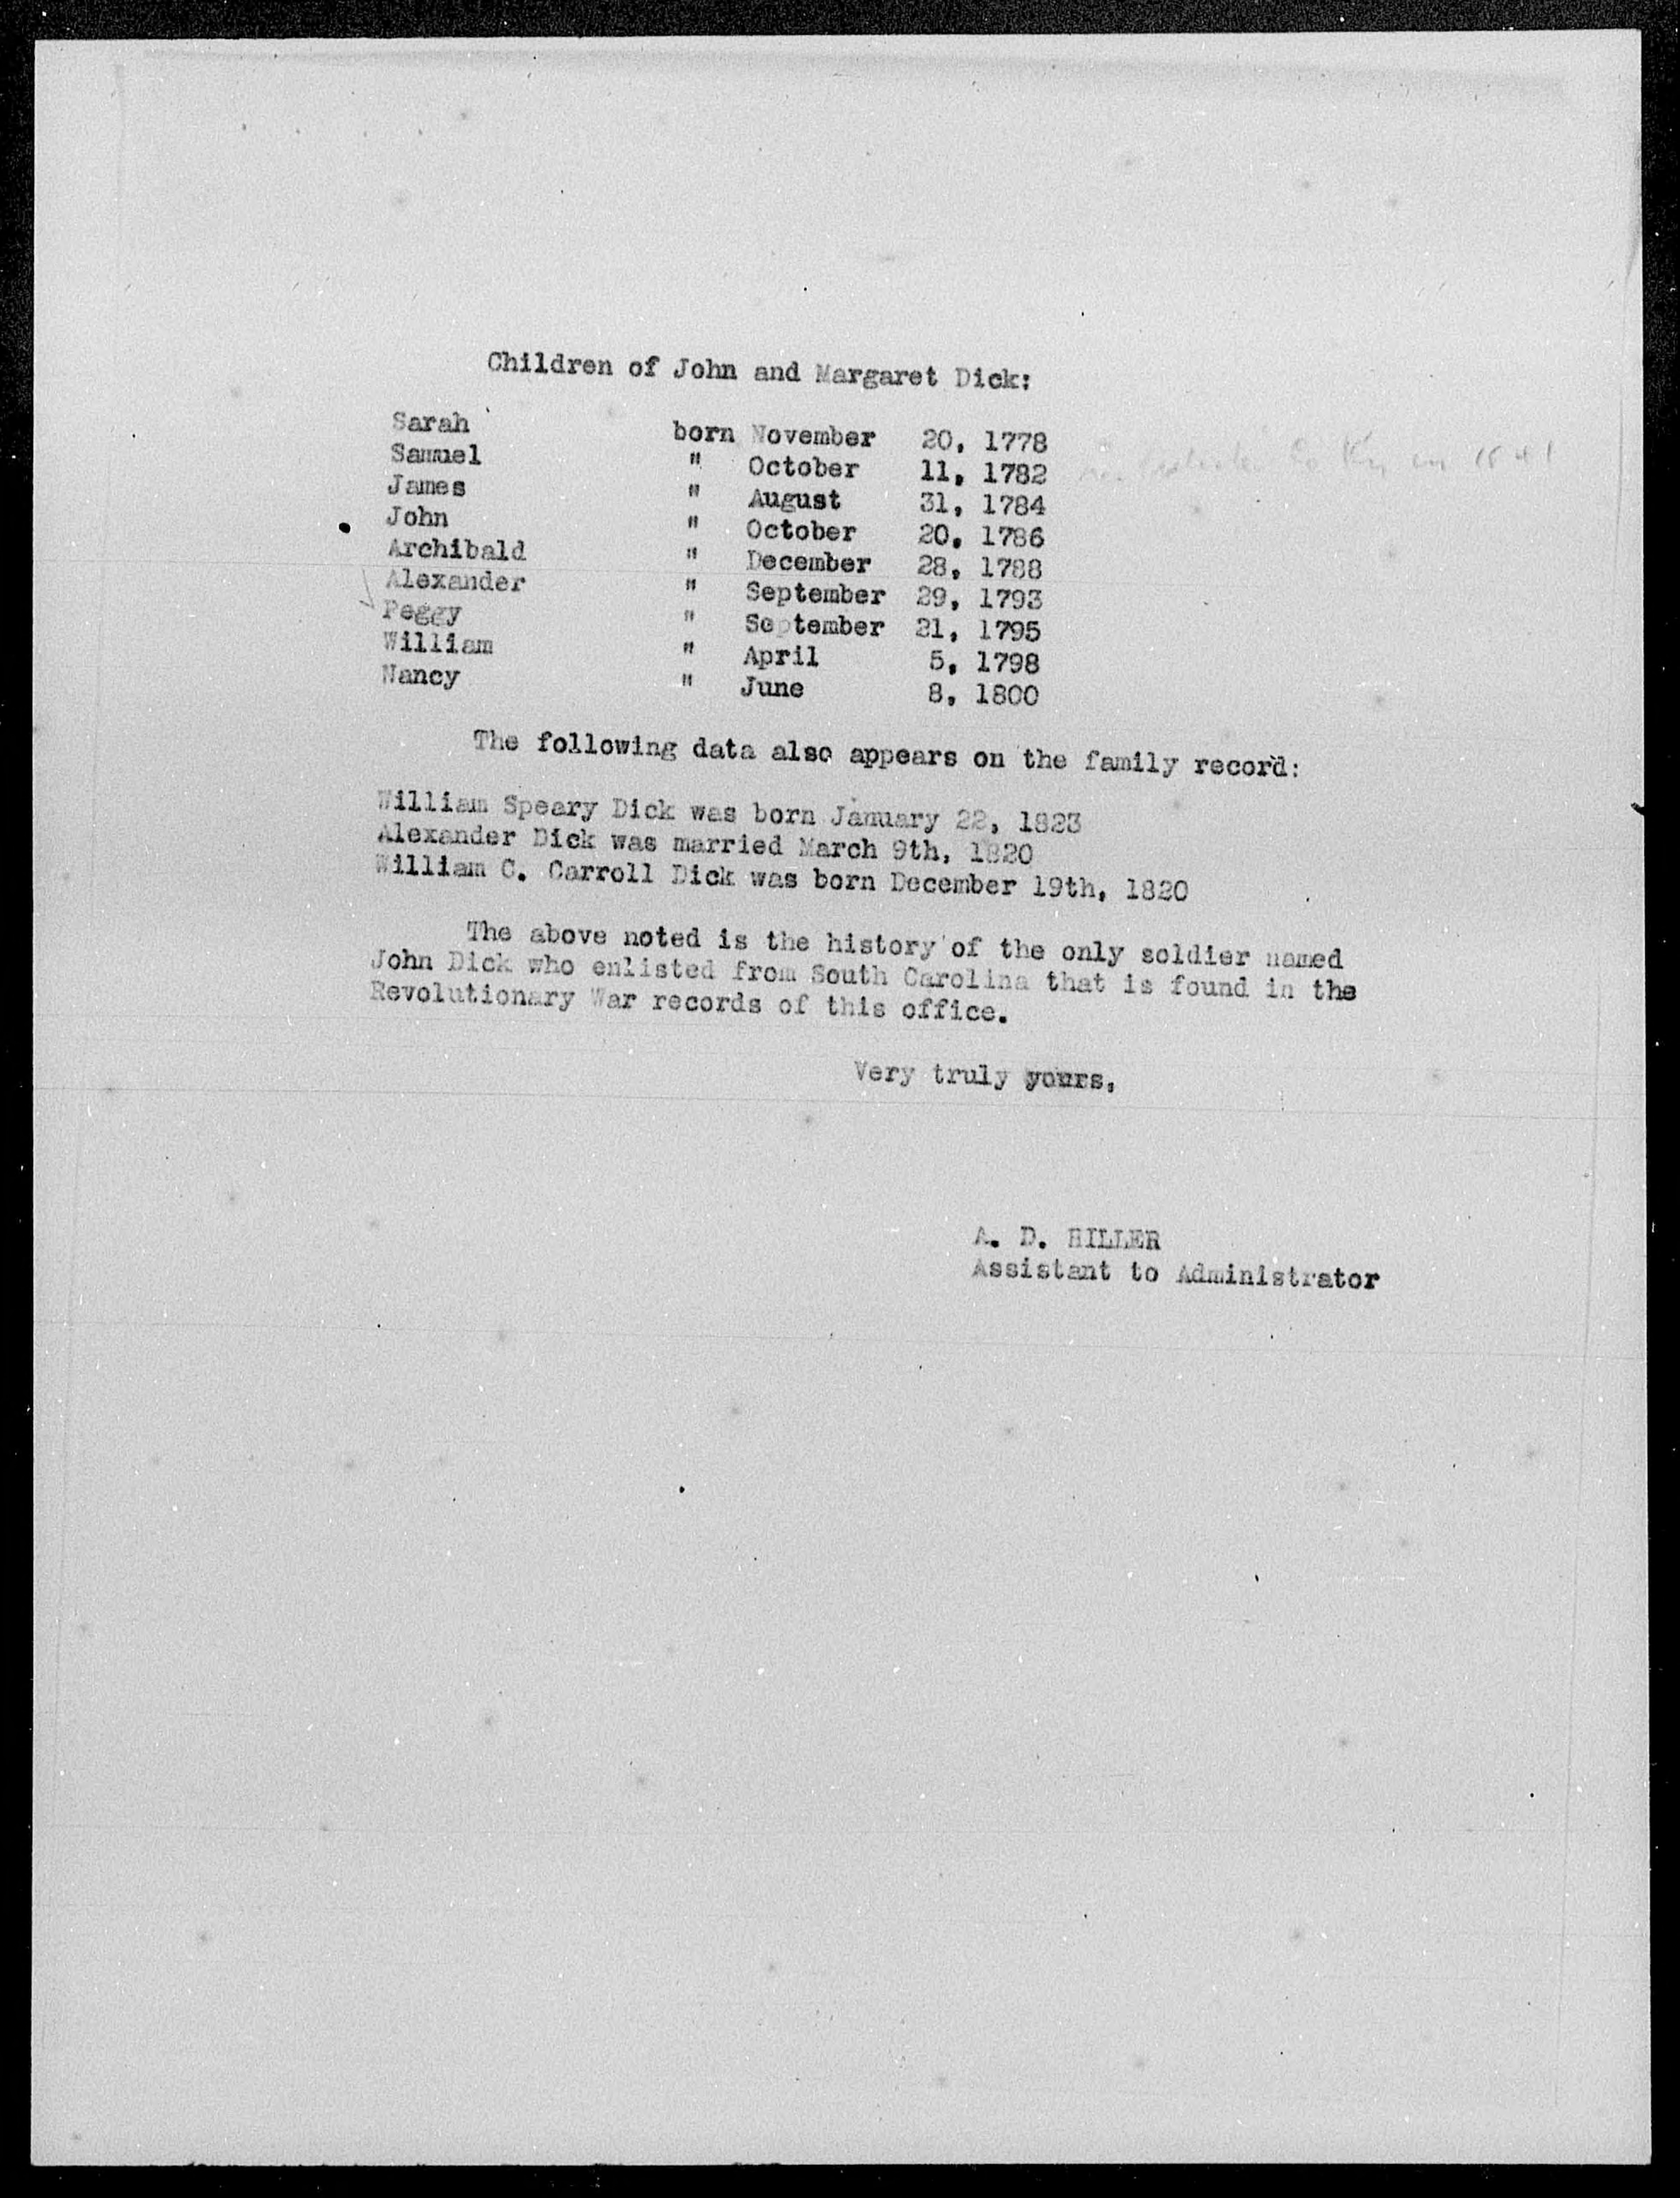Children of John and Margaret Dick:
Sarah born November 20, 1778
Samuel born October 11, 1782
James born August 31, 1784
John  born October 20, 1786
Archibald born December 28, 1788
Alexander born September 29, 1793
Peggy born September 21, 1795
William born April 5, 1798
Nancy born June 8. 1800
The following data also appears on the family record: 
William Speary Dick was born January 22, 1823 Alexander Dick was married March 9th, 1820 William C. Carroll Dick was born December 19th, 1820 
The above noted is the history of the only soldier named John Dick who enlisted from South Carolina that is found in the Revolutionary War records of this office.  Very truly yours, A. D. HILLER Assistant to Administrator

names: John Dick, John Dick, William Speary Dick, Archibald, Peggy, Alexander Dick, William, James, Sarah, William C Carroll Dick, Samuel, Margaret Dick, A D Hiller, Nancy, Alexander, John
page: 10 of 31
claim: widow's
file: W. 8668, John Dick, S C